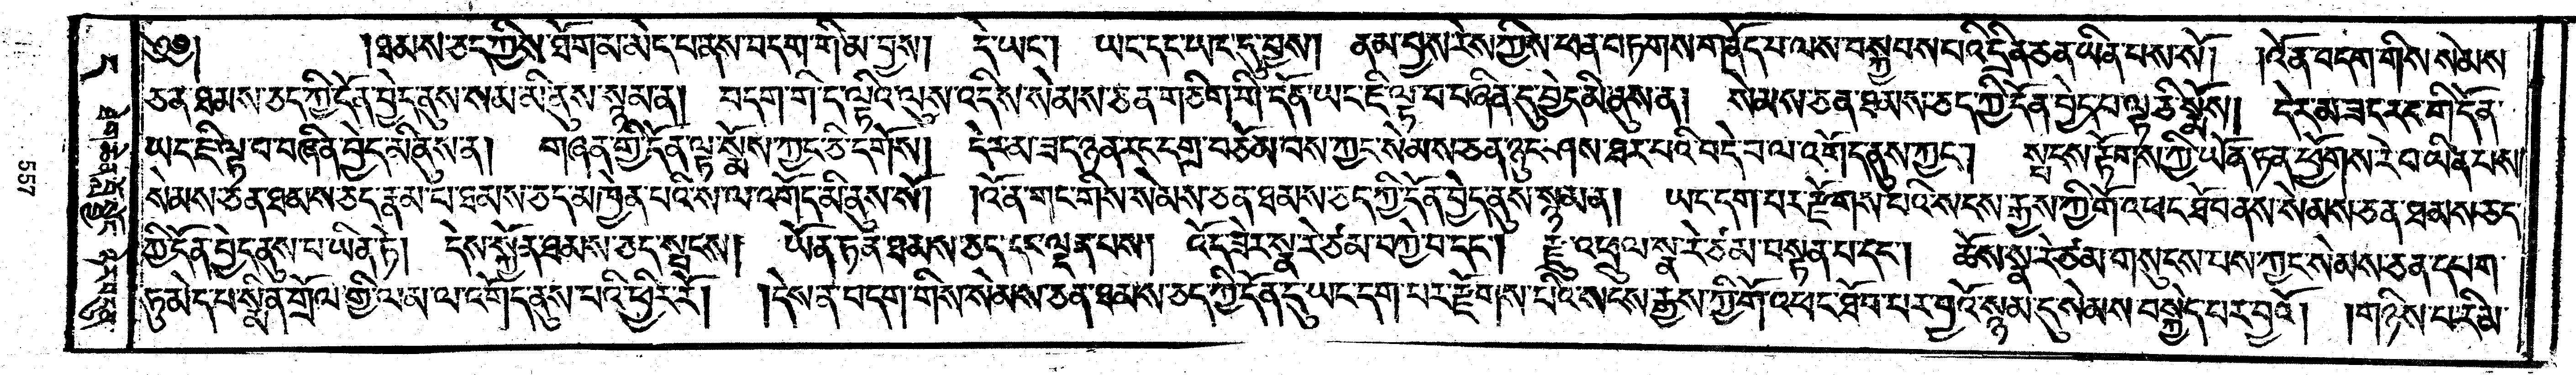༄༅། །ཐམས་ཅད་ཀྱིས་ཐོག་མ་མེད་པ་ནས་བདག་གི་མ་བྱས། དེ་ཡང་། ཡང་དང་ཡང་དུ་བྱས། ནམ་བྱས་རེས་ཀྱིས་ཕན་བཏགས་གནོད་པ་ལས་བསྐྱབས་པའི་དྲིན་ཅན་ཡིན་པས་སོ། །འོ་ན་བདག་གིས་སེམས་
ཅན་ཐམས་ཅད་ཀྱི་དོན་བྱེད་ནུས་སམ་མི་ནུས་སྙམ་ན། བདག་གི་ད་ལྟའི་ལུས་འདིས་སེམས་ཅན་གཅིག་གི་དོན་ཡང་ཇི་ལྟ་བ་བཞིན་དུ་བྱེད་མི་ནུས་ན། སེམས་ཅན་ཐམས་ཅད་ཀྱི་དོན་བྱེད་པ་ལྟ་ཅི་སྨོས། དེར་མ་ཟང་རང་གི་དོན་
ཡང་ཇི་ལྟ་བ་བཞིན་བྱེད་མི་ནུས་ན། གཞན་གྱི་དོན་ལྟ་སྨོས་ཀྱང་ཅི་དགོས། དེར་མ་ཟད་ཉན་རང་དགྲ་བཅོམ་བས་ཀྱང་སེམས་ཅན་ཉུང་ཤས་ཐར་པའི་བདེ་བ་ལ་འགོད་ནུས་ཀྱང་། སྤངས་རྟོགས་ཀྱི་ཡོན་ཏན་ཕྱོགས་རེ་བ་ཡིན་པས།
སེམས་ཅན་ཐམས་ཅད་རྣམ་པ་ཐམས་ཅད་མཁྱེན་པའི་ས་ལ་འགོད་མི་ནུས་སོ། །འོ་ན་གང་གིས་སེམས་ཅན་ཐམས་ཅད་ཀྱི་དོན་བྱེད་ནུས་སྙམ་ན། ཡང་དག་པར་རྫོགས་པའི་སངས་རྒྱས་ཀྱི་གོ་འཕང་ཐོབ་ནས་སེམས་ཅན་ཐམས་ཅད་
ཀྱི་དོན་བྱེད་ནུས་པ་ཡིན་ཏེ། དེས་སྐྱོན་ཐམས་ཅད་སྤངས། ཡོན་ཏན་ཐམས་ཅད་དང་ལྡན་པས། འོད་ཟེར་སྣ་རེ་ཙམ་བཀྱེ་བ་དང་། རྫུ་འཕྲུལ་སྣ་རེ་ཙམ་བསྟན་པ་དང་། ཆོས་སྣ་རེ་ཙམ་གསུངས་པས་ཀྱང་སེམས་ཅན་དཔག་
ཏུ་མེད་པ་སྨིན་གྲོལ་གྱི་ལམ་ལ་འགོད་ནུས་པའི་ཕྱིར་རོ། །དེས་ན་བདག་གིས་སེམས་ཅན་ཐམས་ཅད་ཀྱི་དོན་དུ་ཡང་དག་པར་རྫོགས་པའི་སངས་རྒྱས་ཀྱི་གོ་འཕང་ཐོབ་པར་བྱའོ་སྙམ་དུ་སེམས་བསྐྱེད་པར་བྱའོ། །གཉིས་པ་རིམ་